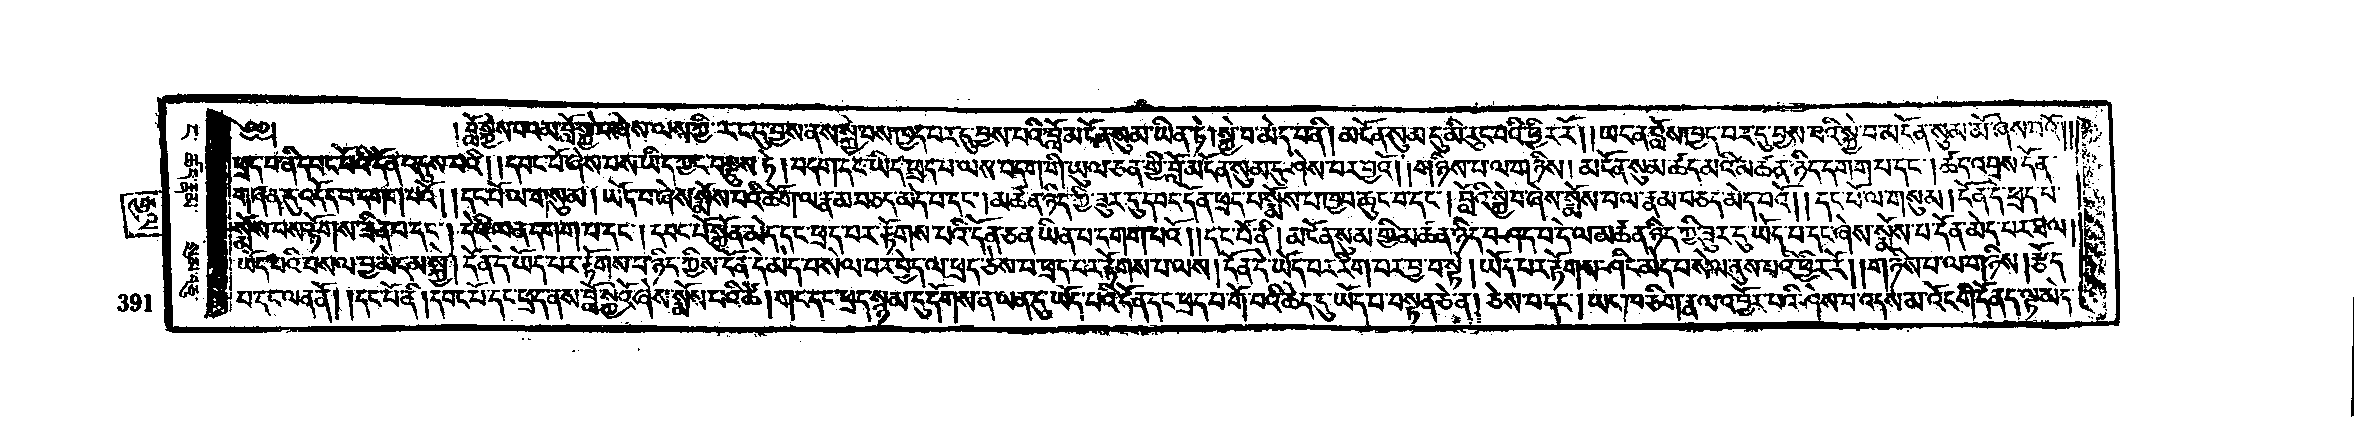༄༅། །བློ་སྐྱེས་བའམ་བློ་སྐེ་བ་ཞེས་ལས་ཀྱི་རང་དུ་བྱས་ནས་སྐྱེས་བས་ཁྱད་པར་དུ་བྱས་པའི་བློ་མངོན་སུམ་ཡིན་ཏེ། སྐྱེ་བ་མེད་པ་ནི། མངོན་སུམ་དུ་མི་རུང་བའི་ཕྱིར་རོ། །ཡང་ན་བློས་ཁྱད་པར་དུ་བྱས་བའི་སྐྱེ་བ་མངོན་སུམ་མོ་ཞེས་པའོ། །
ཕྲད་པ་ནི་དབང་པོའི་དོན་འདུས་པའི། །དབང་པོ་ཞེས་པས་ཡིད་ཀྱང་བསྡུས་ཏེ། བདག་དང་ཡིད་ཕྲད་པ་ལས་བདག་གི་ཡུལ་ཅན་གྱི་བློ་མངོན་སུམ་དུ་ཤེས་པར་བྱའོ། །གཉིས་པ་ལ་གཉིས། མངོན་སུམ་ཚད་མའི་མཚན་ཉིད་དགག་པ་དང་། ཚད་འབྲས་དོན་
གཞན་དུ་འདོད་པ་དགག་པའོ། །དང་པོ་ལ་གསུམ། ཡོད་པ་ཞེས་སྨོས་པའི་ཚིག་ལ་རྣམ་བཅད་མེད་པ་དང་། མཚན་ཉིད་ཀྱི་ཟུར་དུ་དབང་དོན་ཕྲད་པ་སྨོས་པ་ཁྱབ་ཆུང་བ་དང་། བློའི་སྐྱེ་བ་ཞེས་སྨོས་པ་ལ་རྣམ་བཅད་མེད་པའོ། །དང་པོ་ལ་གསུམ། དོན་དེ་ཕྲད་པ་
སྨོས་པས་རྟོགས་ཟིན་པ་དང་། དེའི་ལན་དགག་པ་དང་། དབང་པོ་སྐྱོན་མེད་དང་ཕྲད་པར་རྟོགས་པའི་དོན་ཅན་ཡིན་པ་དགག་པའོ། །དང་པོ་ནི། མངོན་སུམ་གྱི་མཚན་ཉིད་བཤད་པ་དེ་ལ་མཚན་ཉིད་ཀྱི་ཟུར་དུ་ཡོད་པ་དང་ཞེས་སྨོས་པ་དོན་མེད་པར་ཐལ།
ཡོད་པའི་བསལ་བྱ་མེད་མ་སྐྱེ། དོན་དེ་ཡོད་པར་རྟོགས་པ་ཉིད་ཀྱིས་དོན་དེ་མེད་པ་སེལ་བར་བྱེད་པ་ཕྲད་ཅེས་པ་ཕྲད་པར་རྟོགས་པ་ལས། དོན་དེ་ཡོད་པར་རིག་པར་བྱ་བ་སྟེ། ཡོད་པར་རྟོགས་ཤིང་མེད་པ་སེལ་ནུས་པའི་ཕྱིར་རོ། །གཉིས་པ་ལ་གཉིས། རྩོད་
པ་དང་ལན་ནོ། །དང་པོ་ནི། དབང་པོ་དང་ཕྲད་ནས་བློ་སྐྱེའོ་ཞེས་སྨོས་པའི་ཚེ། གང་དང་ཕྲད་སྙམ་དུ་དོགས་ན་ལན་དུ་ཡོད་པའི་དོན་དང་ཕྲད་པ་གོ་བའི་ཆེད་དུ་ཡོད་པ་བསྟན་ཅེ་ན། ཅེས་པ་དང་། ཡང་ཁ་ཅིག་རྣལ་འབྱོར་བའི་ཤེས་པ་འདས་མ་འོང་གི་དོན་ད་ལྟ་མེད་